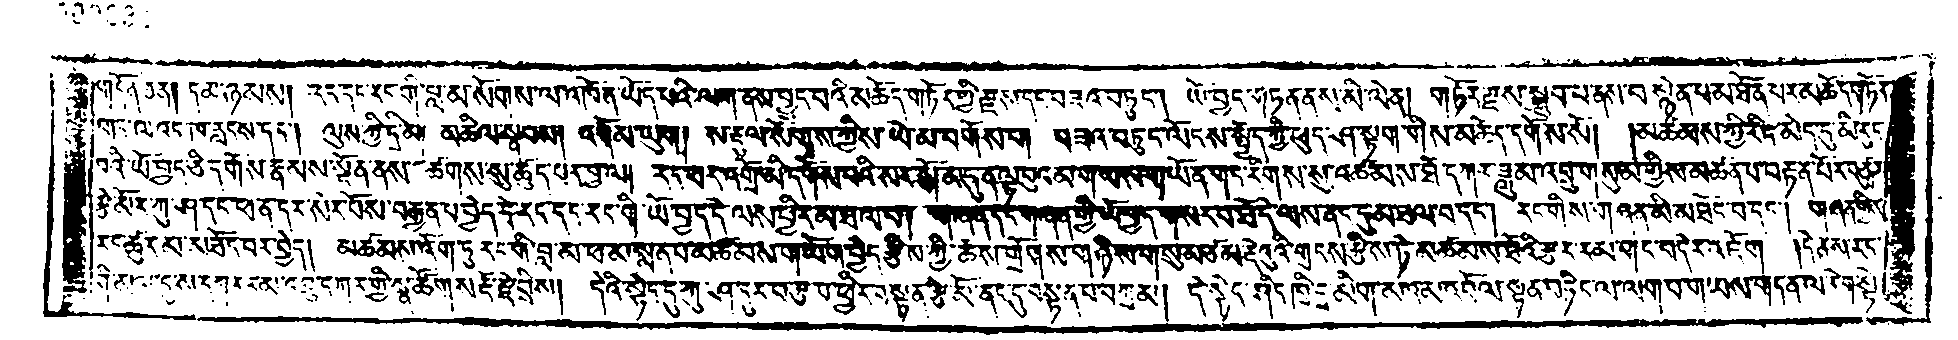གདོན་ཅན། དམ་ཉམས། རང་དང་རང་གི་བླ་མ་སོགས་ལ་འཁོན་ཡོད་པའི་ལག་ནས་བྱུང་བའི་མཆོད་གཏོར་གྱི་རྫས་དང་བཟའ་བཏུང་། ཡོ་བྱད་གཏན་ནས་མི་ལེན། གཏོར་རྫས་སྒྲུབ་པ་ནས་བསྙེན་པ་མ་ཐོན་པར་མཆོད་གཏོར་
གང་ལའང་ཁ་རླངས་དང་། ལུས་ཀྱི་དྲི་མ། མཆིལ་སྣབས། འགོམ་ཡུག །ས་རྡུལ་སོགས་ཀྱིས་ཡེ་མ་བགོས་པ། བཟའ་བཏུང་ལོངས་སྤྱོད་ཀྱི་ཕུད་ཤ་སྟག་གིས་མཆོད་དགོས་སོ། །མཚམས་ཀྱི་རིང་མེད་དུ་མི་རུང་
བའི་ཡོ་བྱད་ཅི་དགོས་རྣམས་སྔོན་ནས་ཚགས་སུ་ཚུད་པར་བྱ་ལ། རང་ཕར་འགྲོ་མི་དགོས་པའི་སར་སྒོ་མདུན་ལྟ་བུའམ་གཡས་གཡོན་གང་རིགས་སུ་འཚམས་ཐོ་དཀར་ཟླུམ་འབྲུ་གསུམ་གྱིས་མཚན་པ་བརྟན་པོར་བཙུགས་
རྩེ་མོར་ཀུ་ཤ་དང་ཕན་དར་སེར་པོས་བརྒྱན་པ་བྱེད་དེ་རང་དང་རང་གི་ཡོ་བྱད་དེ་ལས་ཕྱིར་མ་ཐལ་བ། གཞན་དང་གཞན་གྱི་ཡོ་བྱད་གསར་བ་ཐོ་དེ་ལས་ནང་དུ་མ་ཐལ་བ་དང་། རང་གིས་གཞན་མི་མཐོང་བ་དང་། གཞན་གྱིས་
རང་ཚུར་མ་མཐོང་བར་བྱེད། མཚམས་འོག་ཏུ་རང་གི་བླ་མ་ཕ་མ་སྨན་པ་མཚམས་གཡོག་བྱེད་རྩིས་ཀྱི་ཆོས་གྲོགས་གཉིས་གསུམ་ཙམ་རྡེའུའི་གྲངས་རྩིས་ཏེ་མཚམས་ཐོའི་རྩར་རམ་གང་བདེར་འཇོག །དེ་ནས་རང་
གི་མལ་དུ་ས་དཀར་རམ་འབྲུ་དཀར་གྱི་སྣ་ཚོགས་རྡོ་རྗེ་བྲིས། དེའི་སྟེང་དུ་ཀུ་ཤ་དུར་བ་རྩ་བ་ཕྱིར་བསྟན་རྩེ་མོ་ནང་དུ་བསྟན་པ་བཀྲམ། དེ་སྟེང་ཤིང་ཁྲི་དྲ་མིག་མའམ་འབོལ་སྟན་བཏིང་ལ་ལག་པ་གཡས་གདན་ལ་རེག་སྟེ་